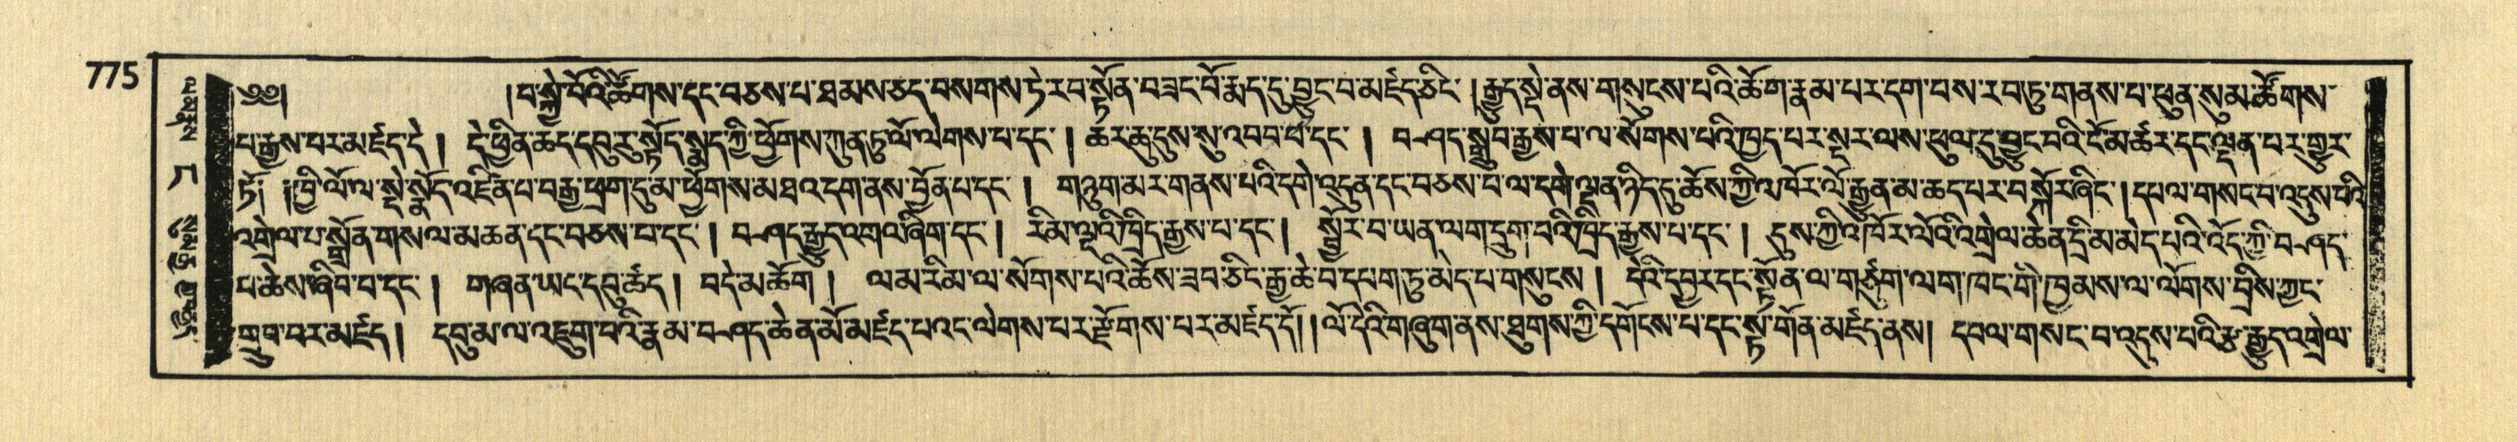༄༅། །བ་སྐྱེ་བོའི་ཚོགས་དང་བཅས་པ་ཐམས་ཅད་བསགས་ཏེ་རབ་སྟོན་བཟང་པོ་རྨད་དུ་བྱུང་བ་མཛད་ཅིང་།རྒྱུད་སྡེ་ནས་གསུངས་པའི་ཆོ་ག་རྣམ་པར་དག་པས་རབ་ཏུ་གནས་པ་ཕུན་སུམ་ཚོགས་
པ་རྒྱས་པར་མཛད་དེ། དེ་ཕྱིན་ཆད་དབུ་རུ་སྟོད་སྨད་ཀྱི་ཕྱོགས་ཀུན་ཏུ་ལོ་ལེགས་པ་དང་། ཆར་ཆུ་དུས་སུ་འབབ་པ་དང་། བཤད་སྒྲུབ་རྒྱས་པ་ལ་སོགས་པའི་ཁྱད་པར་སྔར་ལས་ཕུལ་དུ་བྱུང་བའི་ངོ་མཚར་དང་ལྡན་པར་གྱུར་
ཏོ༑ ༑ཁྱི་ལོ་ལ་སྡེ་སྣོད་འཛིན་པ་བརྒྱ་ཕྲག་དུ་མ་ཕྱོགས་མཐའ་དག་ནས་བྱོན་པ་དང་། གཉུག་མར་གནས་པའི་དགེ་འདུན་དང་བཅས་པ་ལ་དགེ་ལྡན་ཉིད་དུ་ཆོས་ཀྱི་འཁོར་ལོ་རྒྱུན་མ་ཆད་པར་བསྐོར་ཞིང་། དཔལ་གསང་བ་འདུས་པའི་
འགྲེལ་པ་སྒྲོན་གསལ་མཆན་དང་བཅས་པ་དང་། བཤད་རྒྱུད་འགའ་ཞིག་དང་། རིམ་ལྔའི་ཁྲིད་རྒྱས་པ་དང་། སྦྱོར་བ་ཡན་ལག་དྲུག་པའི་ཁྲིད་རྒྱས་པ་དང་། དུས་ཀྱི་འཁོར་ལོའི་འགྲེལ་ཆེན་དྲི་མ་མེད་པའི་འོད་ཀྱི་བཤད་
པ་ཆེས་ཞིབ་པ་དང་། གཞན་ཡང་དབུ་ཚད། བདེ་མཆོག། ལམ་རིམ་ལ་སོགས་པའི་ཆོས་ཟབ་ཅིང་རྒྱ་ཆེ་བ་དཔག་ཏུ་མེད་པ་གསུངས། དེའི་དབྱར་དང་སྟོན་ལ་གཙུག་ལག་ཁང་གི་ཁྱམས་ལ་ལོགས་བྲིས་ཀྱང་
གྲུབ་བར་མཛད། དབུ་མ་ལ་འཇུག་པའི་རྣམ་བཤད་ཆེན་མོ་མཛད་པའང་ལེགས་པར་རྫོགས་པར་མཛད་དོ། །ལོ་དེའི་གཞུག་ནས་ཐུགས་ཀྱི་དགོངས་པ་དང་སྟ་གོན་མཛད་ནས། དཔལ་གསང་བ་འདུས་པའི་རྩ་རྒྱུད་འགྲེལ་